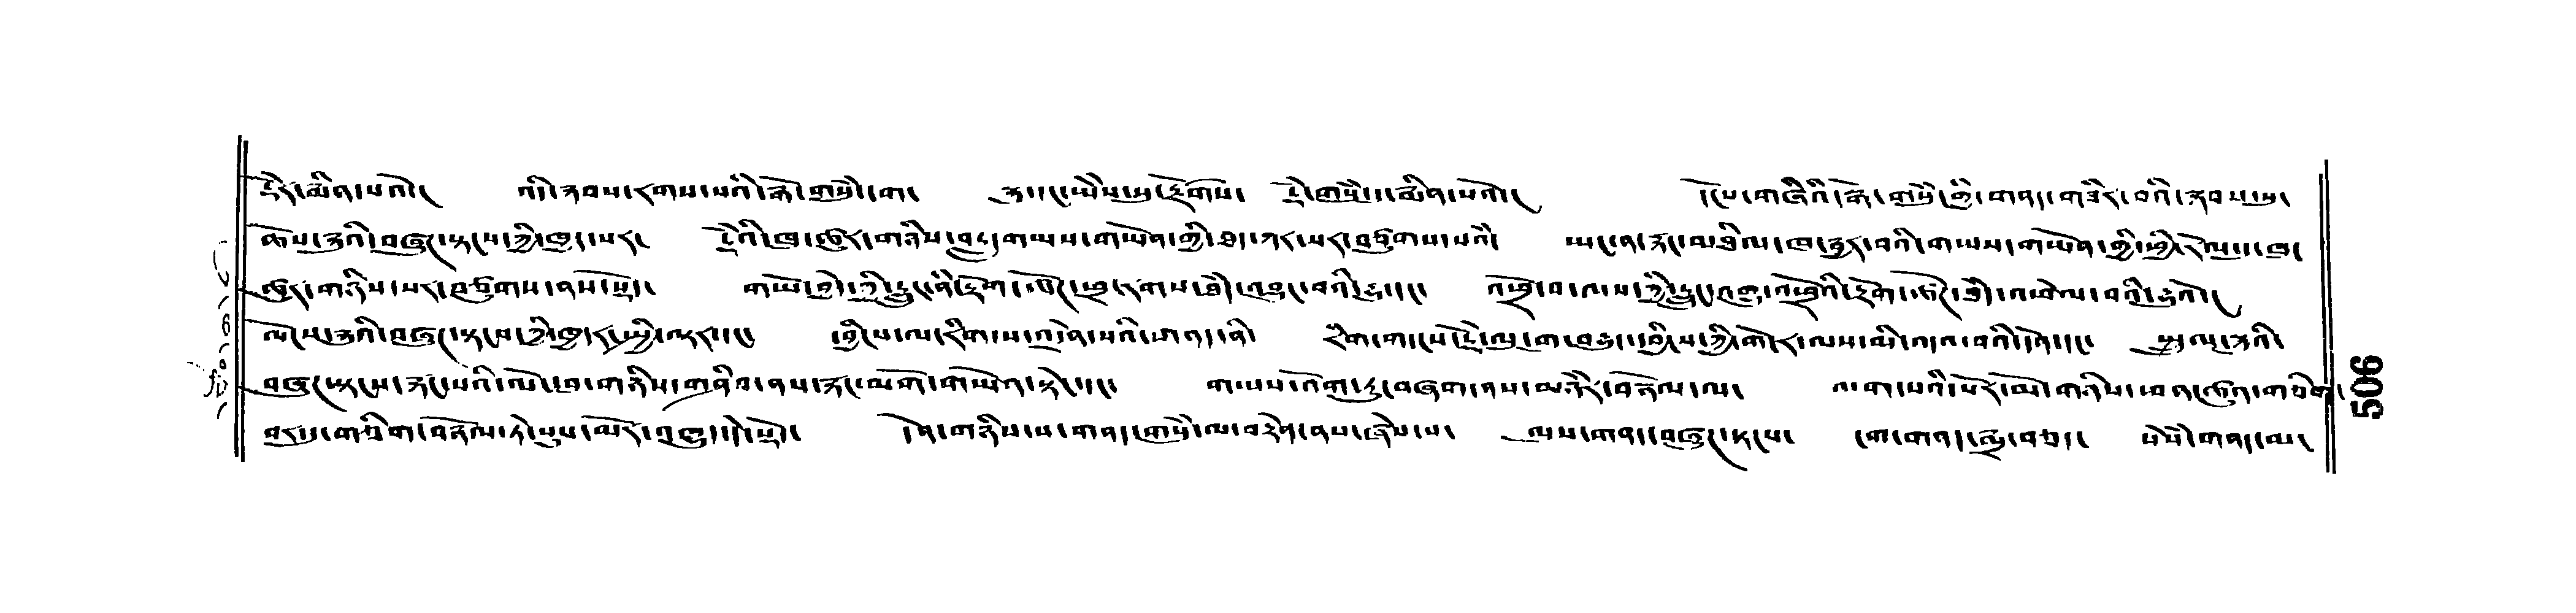རྡོ་རྗེར་སྨིན་པའོ། འདི་སྐབས་རགས་པའི་སྒོ་གསུམ་དག སྐུ་དང་ཡེ་ཤེས་སུ་རྫོགས། རྡོ་རྗེ་གསུམ་དུ་སྨིན་པའོ། དངོས་གཞིའི་སྒོ་གསུམ་གྱི་གནད་གཟིར་བའི་སྐབས་སུ་
ཆོས་སྐུའི་བཞུགས་སྟངས་ཀྱི་ཁྱད་པར། རྡོ་རྗེའི་ཁུ་ཚུར་གཉིས་བརླ་གཡས་གཡོན་གྱི་ཐད་ཀར་སར་བཙུགས་པའམ། ཡང་ན་རྐང་མཐིལ་ཁ་སྦྱར་བའི་གཡས་གཡོན་གྱི་ཕྱི་རོལ་དུ་ཁུ་
ཚུར་གཉིས་སར་བཙུགས་ནས་སྡོད། གཡོ་བྱེད་ཀྱི་རླུང་ནི་རྟོག་ཚོགས་ཕྲ་རགས་ཐམས་ཅད་འབྱུང་བའི་རྒྱུ་དང་།འཕྲོ་བ་ལས་ཀྱི་རླུང་འགྱུ་འཕྲོའི་རྟོག་ཚོགས་ཐམས་ཅད་འཕེལ་བའི་རྒྱུའོ། 
ལོངས་སྐུའི་བཞུགས་སྟངས་ཀྱི་ཁྱད་པར་སྤྱི་ལྟར་དང་། དབྱིངས་ལ་རིག་པ་འདྲེན་པའི་གནད་ནི། རིག་གདངས་རྡོ་རྗེ་ལུ་གུ་བརྒྱུད་དབྱིངས་ཀྱི་རབ་ལས་མི་འདའ་བའི་དོན་དང་། སྤྲུལ་སྐུའི་
བཞུགས་སྟངས་རྐང་པའི་ལོང་བུ་གཉིས་བཤིས་ནས་རྐང་མགོ་གཡོན་སྟེང་དང་། གཡས་འོག་ཏུ་བཞག་ནས་མཉམ་པར་བསྣོལ་ལ། ལག་པའི་སོར་མོ་གཉིས་ཕན་ཚུན་གཅིག་
བར་དུ་གཅིག་བསྣོན་ཏེ་པུས་མོར་འཁྱུད་དེ་སྡོད། དོན་གཉིས་པ་གནད་གསུམ་ལ་བརྟེན་ནས་ཞེས་པ། ལུས་གནད་བཞུགས་སྟངས། ངག་གནད་སྨྲ་བཅད། སེམས་གནད་མ་